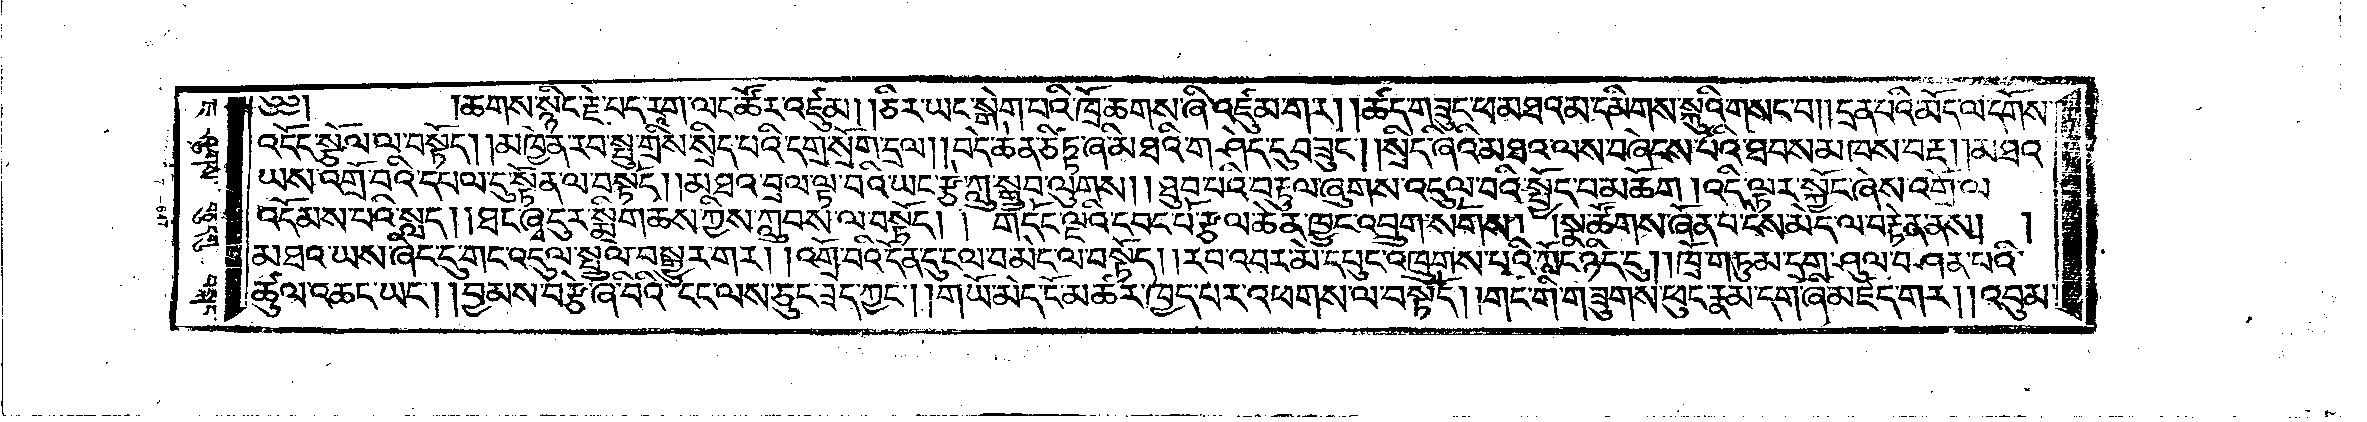༄༅། །ཆགས་སྙིང་རྗེ་པད་རག་ལང་ཚོར་འཛུམ། །ཅིར་ཡང་སྒེག་པའི་ཁྲོ་ཆགས་ཞི་འཛུམ་གར། །ཚད་གཟུང་ཕ་མཐའ་མ་དམིགས་སྐུའི་གསང་བ། །དྲན་པའི་མོད་ལ་དགོས་
འདོད་སྩོལ་ལ་བསྟོད། །མཁྱེན་རབ་སྤུ་གྲིས་སྲིད་པའི་དགྲ་སྲོག་དྲལ། །བདེ་ཆེན་ཙིཏྟ་ཞི་མཐའི་གཤེད་དུ་བཟུང་། །སྲིད་ཞིའི་མཐའ་ལས་བཞེངས་པའི་ཐབས་མཁས་བརྡ། །མཐའ་
ཡས་འགྲོ་བའི་དཔལ་དུ་སྟོན་ལ་བསྟོད། །མཐའ་བྲལ་ལྟ་བའི་ཡང་རྩེ་ཀླུ་སྒྲུབ་ལུགས། །ཐུབ་པའི་བརྟུལ་ཞུགས་འདུལ་བའི་སྤྱོད་པ་མཆོག །འདི་ལྟར་སྐྱོང་ཞེས་འགྲོ་ལ་
འདོམས་པའི་སླད། །ཐང་ཞྭ་དུར་སྨྲིག་ཆས་ཀྱིས་ཀླུབས་ལ་བསྟོད། །གདོང་ལྔའི་དབང་པོ་རྩལ་ཆེན་ཁྱུང་འབྲུག་སོགས། །སྣ་ཚོགས་ཞོན་པ་ངེས་མོད་ལ་བརྟེན་ནས། །
མཐའ་ཡས་ཞིང་དུ་གང་འདུལ་སྤྲུལ་བསྒྱུར་གར། །འགྲོ་བའི་དོན་དུ་ངལ་བ་མེད་ལ་བསྟོད། །རབ་འབར་མེ་དཔུང་འཁྲུགས་པའི་ཀློང་ཉིད་དུ། །ཁྲོག་ཏུ་མ་དྲག་ཤུལ་བཤན་པའི་
ཚུལ་འཆང་ཡང་། །བྱམས་བརྩེ་ཞི་བའི་ངང་ལས་ཅུང་ཟད་ཀྱང་། །གཡོ་མེད་ངོ་མཚར་ཁྱད་པར་འཕགས་ལ་བསྟོད། །གང་གི་གཟུགས་ཕུང་རྣམ་དག་ཞི་མཛད་གར། །འབུམ་